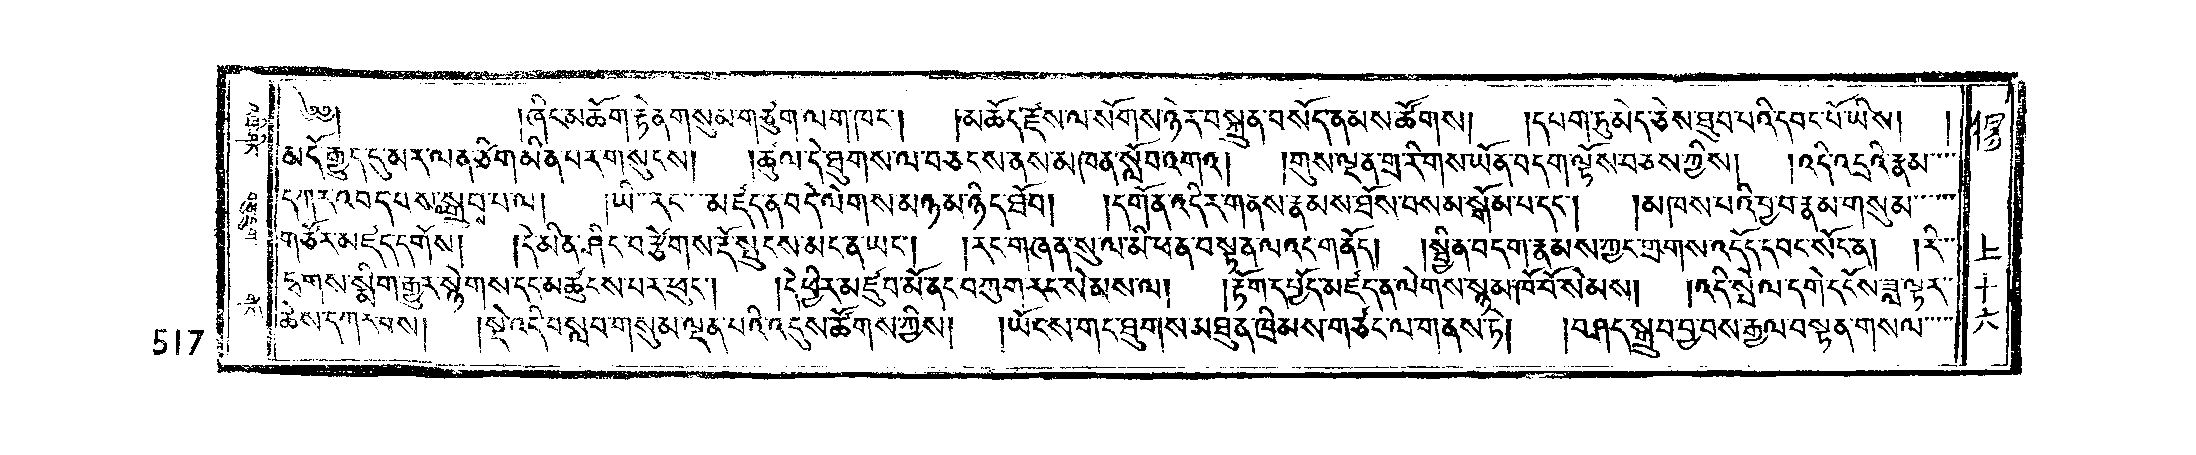༄༅། །ཞིང་མཆོག་རྟེན་གསུམ་གཙུག་ལག་ཁང་། །མཆོད་རྫས་ལ་སོགས་ཉེར་བསྐྲུན་བསོད་ནམས་ཚོགས། །དཔག་ཏུ་མེད་ཅེས་ཐུབ་པའི་དབང་པོ་ཡིས། །
མདོ་རྒྱུད་དུ་མར་ལན་ཙིག་མིན་པར་གསུངས། །ཚུལ་དེ་ཐུགས་ལ་བཅངས་ནས་མཁན་སློབ་འགའ། །གུས་ལྡན་གྲ་རིགས་ཡོན་བདག་ལྟོས་བཅས་ཀྱིས། །འདི་འདྲའི་རྣམ་
དཀར་འབད་པས་བསྒྲུབས་པ་ལ། །ཡི་རང་མཛད་ན་བདེ་ལེགས་མཉམ་ཉིད་ཐོབ། །དགོན་འདིར་གནས་རྣམས་ཐོས་བསམ་སྒོམ་པ་དང་། །མཁས་པའི་བྱ་བ་རྣམ་གསུམ་
གཙོར་མཛད་དགོས། །དེ་མིན་ཤིང་བརྩེགས་རྡོ་སྤུངས་མང་ན་ཡང་། །རང་གཞན་སུ་ལ་མི་ཕན་བསྟན་ལའང་གནོད། །སྦྱིན་བདག་རྣམས་ཀྱང་གྲགས་འདོད་དབང་སོང་ན། །རི་
དྭགས་སྨིག་རྒྱུར་སྙེགས་དང་མཚུངས་པར་ཕུང་། །དེ་ཕྱིར་མཛུབ་མོ་ནང་བཀུག་རང་སེམས་ལ། །རྟོག་དཔྱོད་མཛད་ན་ལེགས་སྙམ་ཁོ་བོ་སེམས། །འདི་སྤེལ་དགེ་དངོས་ཟླ་ལྟར་
ཆེས་དཀར་བས། །སྡེ་འདི་བསླབ་གསུམ་ལྡན་པའི་འདུས་ཚོགས་ཀྱིས། །ཡོངས་གང་ཐུགས་མཐུན་ཁྲིམས་གཙང་ལ་གནས་ཏེ། །བཤད་སྒྲུབ་བྱ་བས་རྒྱལ་བསྟན་གསལ་